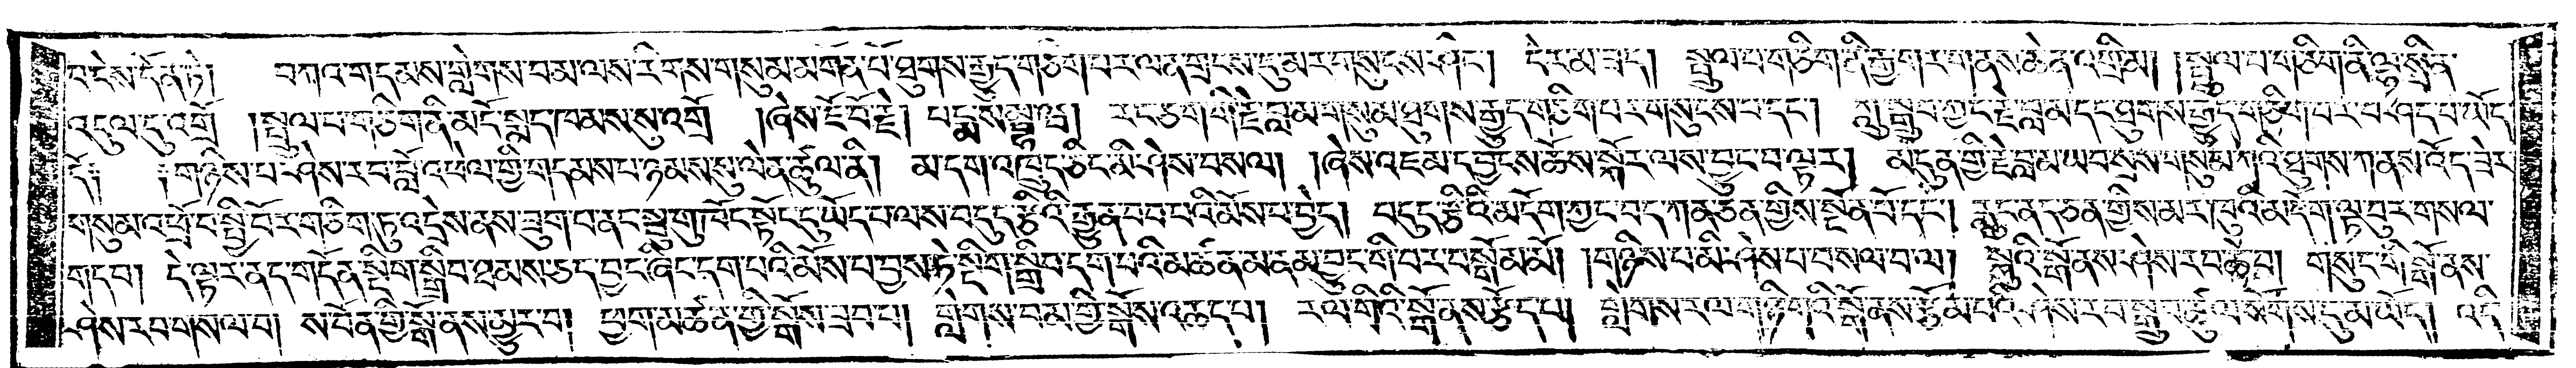པ་ངེས་དོན་ཏེ། བཀའ་གདམས་གླེགས་བམ་ལས་རིགས་གསུམ་མགོན་པོ་ཐུགས་རྒྱུད་གཅིག་པར་ལན་གྲངས་དུ་མར་གསུངས་ཤིང་། དེར་མ་ཟད། སྤྲུལ་པ་གཅིག་ནི་རྒྱ་གར་གནས་ཆེན་འགྲིམ། སྤྲུལ་པ་གཅིག་ནི་ལྷ་སྲིན་
འདུལ་དུ་འགྲོ་།སྤྲུལ་པ་གཅིག་ནི་མདོ་སྨད་ཁམས་སུ་འགྲོ། །ཞེས་ཇོ་བོ་རྗེ། པདམ་སམྦྷ་ཝ། རང་ཅག་གི་རྗེ་བླ་མ་གསུམ་ཐུགས་རྒྱུད་གཅིག་པར་གསུངས་པ་དང་། ཀླུ་སྒྲུབ་ཀྱང་རྗེ་བླ་མ་དང་ཐུགས་རྒྱུད་གཅིག་པར་བཤད་པ་ཡོད་
དོ༑ ༑གཉིས་པ་ཤེས་རབ་བློ་འཕེལ་གྱི་གདམས་པ་ཉམས་སུ་ལེན་ཚུལ་ནི། མ་དག་འཁྲུད་ཅིང་མི་ཤེས་བསལ། །ཞེས་འཇམ་དབྱངས་ཆོས་སྐོར་ལས་བྱུང་བ་ལྟར། མདུན་གྱི་རྗེ་བླ་མ་ཡབ་སྲས་གསུམ་ཀའི་ཐུགས་ཀ་ནས་འོད་ཟེར་
གསུམ་འཕྲོ་བ་སྤྱི་བོར་གཅིག་ཏུ་འདྲེས་ནས་ཟུག་བ་ནང་སྦུ་གུ་ཁོང་སྟོང་དུ་ཡོད་པ་ལས་བདུད་རྩིའི་རྒྱུན་བབ་པའི་མོས་པ་བྱེད། བདུད་རྩིའི་མདོག་ཀྱང་བད་ཀན་ཅན་གྱིས་སྔོན་ཕོ་དང་། རླུང་ནད་ཅན་གྱིས་མར་ཁུའི་མདོག་ལྟ་བུར་གསལ་
གདབ། དེ་ལྟར་ནད་གདོན་སྡིག་སྒྲིབ་ཐམས་ཅད་བྱང་ཞིང་དག་པའི་མོས་པ་བྱས་ཏེ་སྡིག་སྒྲིབ་དག་པའི་མཚན་མནམ་བྱུང་གི་བར་བསྒོམ་མོ། །གཉིས་པ་མི་ཤེས་པ་བསལ་བ་ལ། སྐུའི་སྒོ་ནས་ཤེས་རབ་ཆེ་བ། གསུང་གི་སྒོ་ནས་
ཤེས་རབ་གསལ་བ། ས་བོན་གྱི་སྒོ་ནས་མྱུར་བ། ཕྱག་མཚན་གྱི་སྒོས་ཟབ་བ། གླེགས་བམ་གྱི་སྒོས་འཆད་པ། རལ་གྲིའི་སྒོ་ནས་རྩོད་པ། གླེགས་རལ་གཉི་གའི་སྒོ་ནས་རྩོམ་པའི་ཤེས་རབ་སྒྲུབ་ཚུལ་སོགས་དུ་མ་ཡོད། འདི་